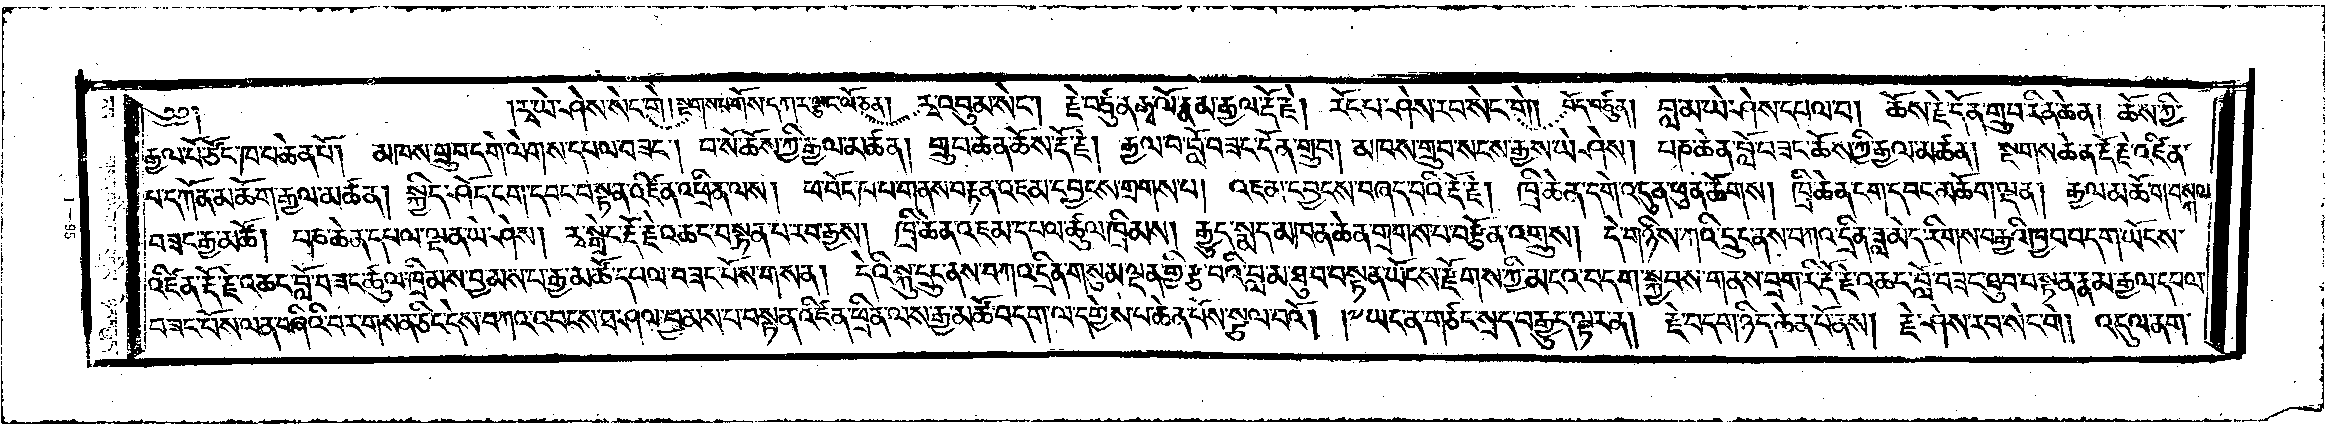༄༅། །རྭ་ཡེ་ཤེས་སེང་སྔགས་པ་གོས་དཀར་ལྕང་ལོགེ། ཅན་རྭ་འབུམ་སེང་། རྗེ་བཙུན་རྒྭ་ལོ་རྣམ་རྒྱལ་རྡོ་རྗེ། རོང་པ་ཤེས་རབ་སེང་བོད་བཙུན།  གེ། བླ་མ་ཡེ་ཤེས་དཔལ་བ། ཆོས་རྗེ་དོན་གྲུབ་རིན་ཆེན། ཆོས་ཀྱི་
རྒྱལ་པོ་ཙོང་ཁ་པ་ཆེན་པོ། མཁས་གྲུབ་དགེ་ལེགས་དཔལ་བཟང་། བ་སོ་ཆོས་ཀྱི་རྒྱལ་མཚན། གྲུབ་ཆེན་ཆོས་རྡོ་རྗེ། རྒྱལ་བ་བློ་བཟང་དོན་གྲུབ། མཁས་གྲུབ་སངས་རྒྱས་ཡེ་ཤེས། པཎ་ཆེན་བློ་བཟང་ཆོས་ཀྱི་རྒྱལ་མཚན། སྔགས་ཆེན་རྡོ་རྗེ་འཛིན་
པ་དཀོན་མཆོག་རྒྱལ་མཚན། སྐྱིད་ཤོད་ངག་དབང་བསྟན་འཛིན་འཕྲིན་ལས། ཕ་བོང་ཁ་པ་གནས་བརྟན་འཇམ་དབྱངས་གྲགས་པ། འཇམ་དབྱངས་བཞད་པའི་རྡོ་རྗེ། ཁྲི་ཆེན་དགེ་འདུན་ཕུན་ཚོགས། ཁྲི་ཆེན་ངག་དབང་མཆོག་ལྡན། རྒྱལ་མཆོག་བསྐལ་
བཟང་རྒྱ་མཚོ། པཎ་ཆེན་དཔལ་ལྡན་ཡེ་ཤེས། རྭ་སྒྲེང་རྡོ་རྗེ་འཆང་བསྟན་པ་རབ་རྒྱས། ཁྲི་ཆེན་འཇམ་དཔལ་ཚུལ་ཁྲིམས། རྒྱུད་སྨད་མཁན་ཆེན་གྲགས་པ་བརྩོན་འགྲུས། དེ་གཉིས་ཀའི་དྲུང་ནས་བཀའ་དྲིན་ཟླ་མེད་རིགས་བརྒྱའི་ཁྱབ་བདག་ཡོངས་
འཛིན་རྡོ་རྗེ་འཆང་བློ་བཟང་ཚུལ་ཁྲིམས་བྱམས་པ་རྒྱ་མཚོ་དཔལ་བཟང་པོས་གསན། དེའི་སྐུ་དྲུང་ནས་བཀའ་དྲིན་གསུམ་ལྡན་གྱི་རྩ་བའི་བླ་མ་ཐུབ་བསྟན་ཡོངས་རྫོགས་ཀྱི་མངའ་བདག་སྐྱབས་གནས་བྲག་རི་རྡོ་རྗེ་འཆང་བློ་བཟང་ཐུབ་བསྟན་རྣམ་རྒྱལ་དཔལ་
བཟང་པོས་ལན་བཞིའི་བར་གསན་ཅིང་དེས་བཀའ་འབངས་ཐ་ཤལ་བྱམས་པ་བསྟན་འཛིན་ཕྲིན་ལས་རྒྱ་མཚོ་བདག་ལ་དགྱེས་པ་ཆེན་པོས་སྩལ་བའོ། །༧ཡང་ན་གཙང་སྲད་བརྒྱུད་ལྟར་ན། རྗེ་བདག་ཉིད་ཆེན་པོ་ནས། རྗེ་ཤེས་རབ་སེང་གེ། འདུལ་ནག་